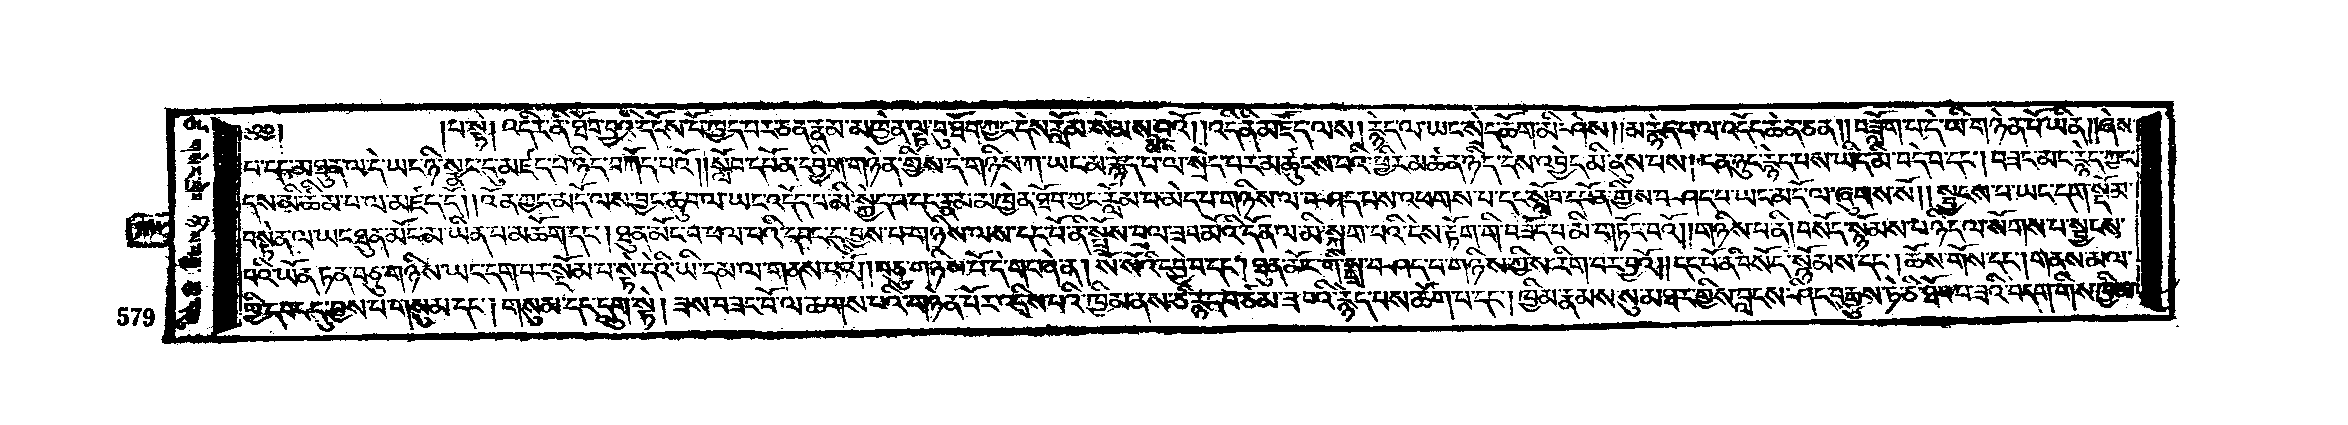༄༅། །པ་སྟེ། འདིར་ནི་ཐོབ་བྱའི་དངོས་པོ་ཁྱད་པར་ཅན་རྣམ་མཁྱེན་ལྟ་བུ་ཐོབ་ཀྱང་དེས་རློམ་སེམས་མེད་པའོ། །འདི་ནི་མཛོད་ལས། རྙེད་ལ་ཡང་སྲེད་ཆོག་མི་ཤེས། །མ་རྙེད་པ་ལ་འདོད་ཆེན་ཅན། །བཟློག་པ་དེ་ཡི་གཉེན་པོ་ཡིན། །ཞེས་
པ་དང་མཐུན་ལ་དེ་ཡང་ཉི་སྣང་དུ་མཛད་པ་ཉིད་བཀོད་པའོ། །སློབ་དཔོན་དབྱིག་གཉེན་གྱིས་དེ་གཉིས་ཀ་ཡང་མ་རྙེད་པ་ལ་སྲེད་པར་མཚུངས་པའི་ཕྱིར་མཚན་ཉིད་དེས་འབྱེད་མི་ནུས་པས། ངན་ཉུང་རྙེད་པས་ཡིད་མི་བདེ་བ་དང་། བཟང་མང་རྙེད་ཀྱང་
དས་མི་ཚིམ་པ་ལ་མཛད་དོ། །འོན་ཀྱང་མདོ་ལས་བྱང་ཆུབ་ལ་ཡང་འདོད་པ་མི་སྐྱེད་པ་དང་རྣམ་མཁྱེན་ཐོབ་ཀྱང་རློམ་པ་མེད་པ་གཉིས་ལ་བཤད་པས་འཕགས་པ་དང་སློབ་དཔོན་གྱིས་བཤད་པ་ཡང་མདོ་ལ་ཞུགས་སོ། །སྦྱངས་པ་ཡང་དག་སྡོམ་
བསྟེན་ལ་ཡང་ཐུན་མོང་མ་ཡིན་པ་མཆོག་དང་། ཐུན་མོང་བ་ཕལ་བའི་དབང་དུ་བྱས་པ་གཉིས་ལས་དང་པོ་ནི་སྤྲོས་བྲལ་ཟབ་མོའི་དོན་ལ་མི་སྐྲག་པའི་ངེས་རྟོག་གི་བཟོད་པ་མི་གཏོང་བའོ། །གཉིས་པ་ནི། བསོད་སྙོམས་པ་ཉིད་ལ་སོགས་པ་སྦྱངས་
པའི་ཡོན་ཏན་བཅུ་གཉིས་ཡང་དག་པར་སྡོམ་པ་སྟེ་དེའི་ཡི་དམ་ལ་གནས་པའོ། །བཅུ་གཉིས་པོ་དེ་གང་ཞེ་ན། སོ་སོའི་དབྱེ་བ་དང་། ཐུན་མོང་གི་སྒྲ་བཤད་པ་གཉིས་ཀྱིས་རིག་པར་བྱའོ། །དང་པོ་ནི་བསོད་སྙོམས་དང་། ཆོས་གོས་དང་། གནས་མལ་
གྱི་དབང་དུ་བྱས་པ་གསུམ་དང་། གསུམ་དང་དྲུག་སྟེ། ཟས་བཟང་པོ་ལ་ཆགས་པའི་གཉེན་པོར་འདྲིས་པའི་ཁྱིམ་ནས་ཅི་རྙེད་པ་ཙམ་ཟ་བའི་རྙེད་པས་ཆོག་པ་དང་། ཁྱིམ་རྣམས་སུ་མཐར་གྱིས་བླངས་ཤིང་བརྒྱུས་ཏེ་ཅི་ཐོབ་པ་ཟའི་བདག་གིས་ཁྱིམ་